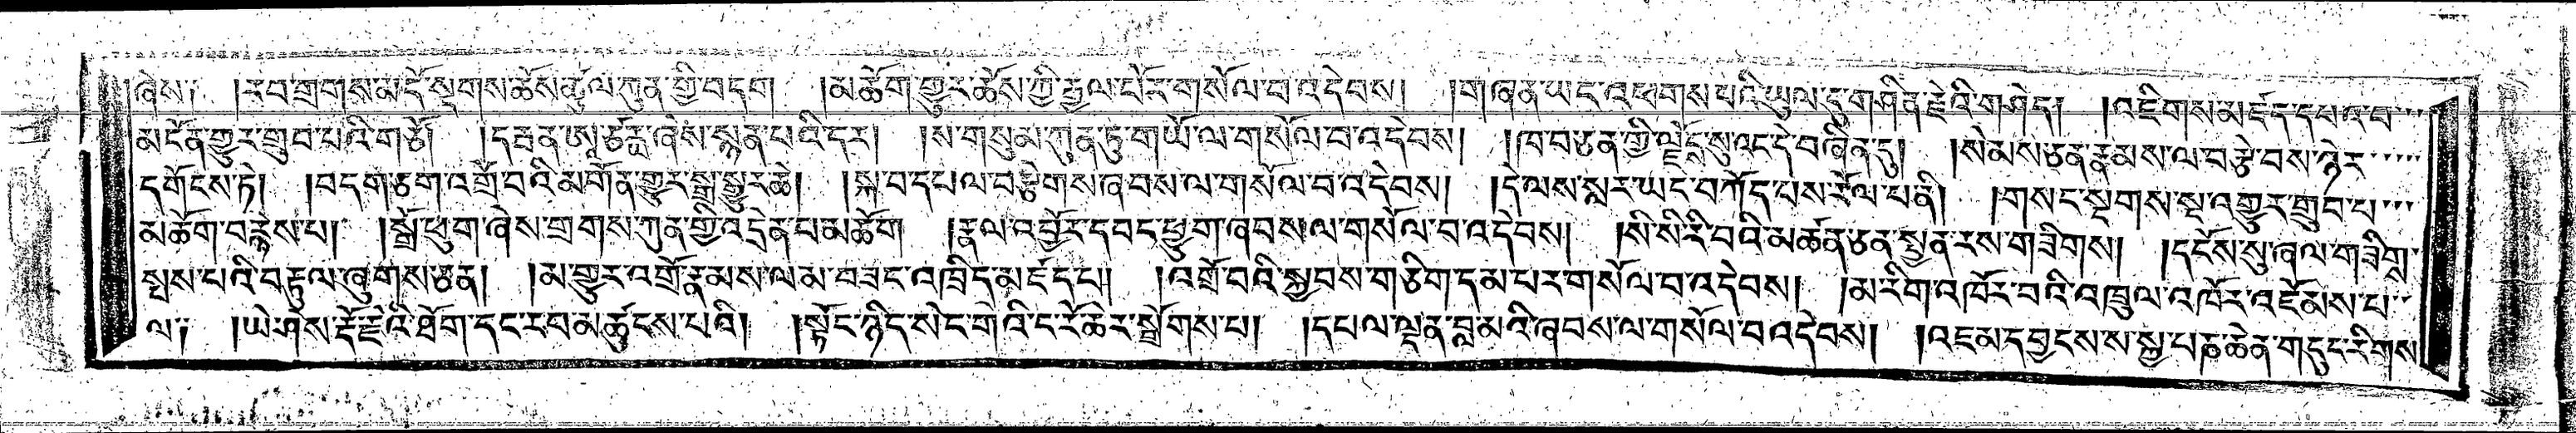ཞེས༑ །རབ་གྲགས་མདོ་སྔགས་ཆོས་ཚུལ་ཀུན་གྱི་བདག །མཆོག་གྱུར་ཆོས་ཀྱི་རྒྱལ་པོར་གསོལ་བ་འདེབས། །གཞན་ཡང་འཕགས་པའི་ཡུལ་དུ་གཤིན་རྗེའི་གཤེད། །འཇིགས་མཛད་དཔའ་བ་
མངོན་གྱུར་གྲུབ་པའི་གཙོ། །དརྦན་ཨཱ་ཙརྱ་ཞེས་སྙན་པའི་དར། །ས་གསུམ་ཀུན་ཏུ་གཡོ་ལ་གསོལ་བ་འདེབས། །ཁ་བ་ཅན་གྱི་ལྗོངས་སུ་འང་དེ་བཞིན་དུ། །སེམས་ཅན་རྣམས་ལ་བརྩེ་བས་ཉེར་
དགོངས་ཏེ། །བདག་ཅག་འགྲོ་བའི་མགོན་གྱུར་སྒྲ་སྒྱུར་ཆེ། །སྐ་བ་དཔལ་བརྩེགས་ཞབས་ལ་གསོལ་བ་འདེབས། །དེ་ལས་སླར་ཡང་བཀོད་པས་རོལ་པ་ནི། །གསང་སྔགས་སྔ་འགྱུར་གྲུབ་པ་
མཆོག་བརྙེས་པ། །སྒྲོ་ཕུག་ཞེས་གྲགས་ཀུན་གྱི་འདྲེན་པ་མཆོག །རྣལ་འབྱོར་དབང་ཕྱུག་ཞབས་ལ་གསོལ་བ་འདེབས། །སི་སི་རི་བའི་མཚན་ཅན་སྤྱན་རས་གཟིགས། །དངོས་སུ་ཞལ་གཟིགས་
སྤས་པའི་བརྟུལ་ཞུགས་ཅན། །མ་གྱུར་འགྲོ་རྣམས་ལམ་བཟང་འཁྲིད་མཛད་པ། །འགྲོ་བའི་སྐྱབས་གཅིག་དམ་པར་གསོལ་བ་འདེབས། །མ་རིག་འཁོར་བའི་འཁྲུལ་འཁོར་འཇོམས་པ་།མ་རིག་འཁོར་བའི་འཁྲུལ་འཁོར་འཇོམས་པ་
ལ༑ །ཡེ་ཤེས་རྡོ་ལ། །ཡེ་ཤེས་རྡོ་རྗེའི་ཐོག་དང་རབ་མཚུངས་པའི། །སྟོང་ཉིད་སེང་གེའི་ང་རོ་ཆེར་སྒྲོགས་པ། །དཔལ་ལྡན་བླ་མའི་ཞབས་ལ་གསོལ་བ་འདེབས། །འཇམ་དབྱངས་ས་སྐྱ་པཎ་ཆེན་གདུང་རིགས་